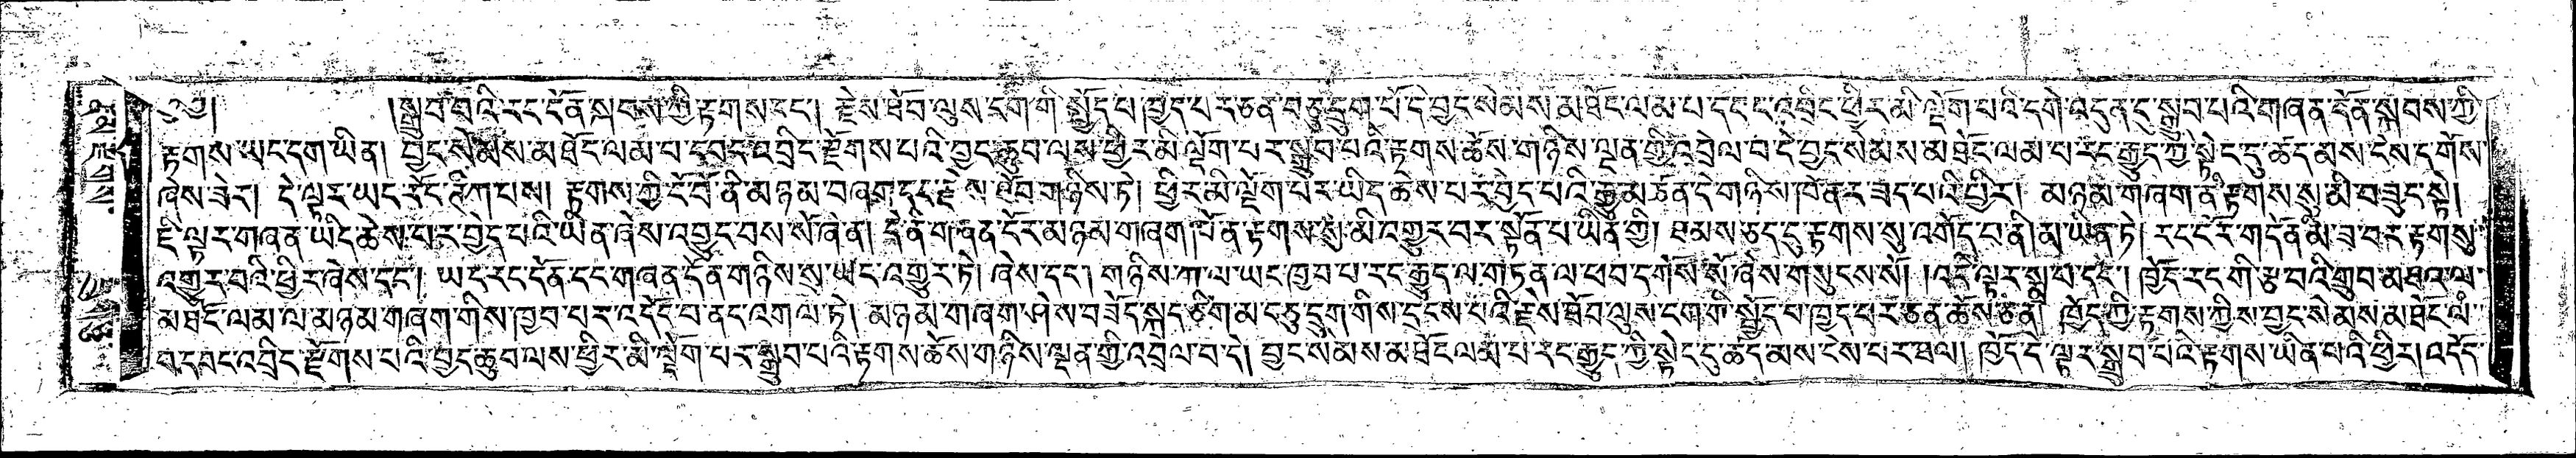༄༅། །སྒྲུབ་བའི་རང་དོན་སྐབས་ཀྱི་རྟགས་དང་། རྗེས་ཐོབ་ལུས་ངག་གི་སྤྱོད་པ་ཁྱད་པར་ཅན་བཅུ་དྲུག་པོ་དེ་བྱང་སེམས་མཐོང་ལམ་པ་དབང་འབྲིང་ཕྱིར་མི་ལྡོག་པའི་དགེ་འདུན་དུ་སྒྲུབ་པའི་གཞན་དོན་སྐབས་ཀྱི་
རྟགས་ཡང་དག་ཡིན། བྱང་སེམས་མཐོང་ལམ་པ་དབང་འབྲིང་རྫོགས་པའི་བྱང་ཆུབ་ལས་ཕྱིར་མི་ལྡོག་པར་སྒྲུབ་པའི་རྟགས་ཆོས་གཉིས་ལྡན་གྱི་འབྲེལ་བ་དེ་བྱང་སེམས་མཐོང་ལམ་པ་རང་རྒྱུད་ཀྱི་སྟེང་དུ་ཚད་མས་ངེས་དགོས་
ཞེས་ཟེར། དེ་ལྟར་ཡང་རོང་ཊཱིཀ་པས། རྟགས་ཀྱི་ངོ་བོ་ནི་མཉམ་བཞག་དང་རྗེས་ཐོབ་གཉིས་ཏེ། ཕྱིར་མི་ལྡོག་པར་ཡིད་ཆེས་པར་བྱེད་པའི་རྒྱུ་མཚན་དེ་གཉིས་ཁོ་ནར་ཟད་པའི་ཕྱིར། མཉམ་གཞག་ནི་རྟགས་སུ་མི་བཟུང་སྟེ།
ཇི་ལྟར་གཞན་ཡིད་ཆེས་པར་བྱེད་པའི་ཡིན་ཞེས་འབྱུང་བས་སོ་ཞེ་ན། དེ་ནི་གཞན་ངོར་མཉམ་གཞག་ཁོ་ན་རྟགས་སུ་མི་འགྱུར་བར་སྟོན་པ་ཡིན་གྱི། ཐམས་ཅད་དུ་རྟགས་སུ་འགོད་པ་ནི། མ་ཡིན་ཏེ། རང་ངོར་གདོན་མི་ཟ་བར་རྟགས་སུ་
འགྱུར་བའི་ཕྱིར་ཞེས་དང་། ཡང་རང་དོན་དང་གཞན་དོན་གཉིས་སུ་ཡང་འགྱུར་ཏེ། ཞེས་དང་། གཉིས་ཀ་ལ་ཡང་ཁྱབ་པ་རང་རྒྱུད་ལ་གཏན་ལ་ཕབ་དགོས་སོ་ཞེས་གསུངས་སོ། །འདི་ལྟར་སྨྲ་བ་དང་། ཁྱོད་རང་གི་རྩ་བའི་གྲུབ་མཐའ་ལ་
མཐོང་ལམ་ལ་མཉམ་གཞག་གིས་ཁྱབ་པར་འདོད་བ་ནང་འགལ་ཏེ། མཉམ་གཞག་ཤེས་བཟོད་སྐད་ཅིག་མ་བཅུ་དྲུག་གིས་དྲངས་པའི་རྗེས་ཐོབ་ལུས་ངག་གི་སྤྱོད་པ་ཁྱད་པར་ཅན་ཆོས་ཅན། ཁྱོད་ཀྱི་རྟགས་ཀྱིས་བྱང་སེམས་མཐོང་ལམ་
པ་དབང་འབྲིང་རྫོགས་པའི་བྱང་ཆུབ་ལས་ཕྱིར་མི་ལྡོག་པར་སྒྲུབ་པའི་རྟགས་ཆོས་གཉིས་ལྡན་གྱི་འབྲེལ་བ་དེ། བྱང་སེམས་མཐོང་ལམ་པ་རང་རྒྱུད་ཀྱི་སྟེང་དུ་ཚད་མས་ངེས་པར་ཐལ། ཁྱོད་དེ་ལྟར་སྒྲུབ་པའི་རྟགས་ཡིན་པའི་ཕྱིར། འདོད་